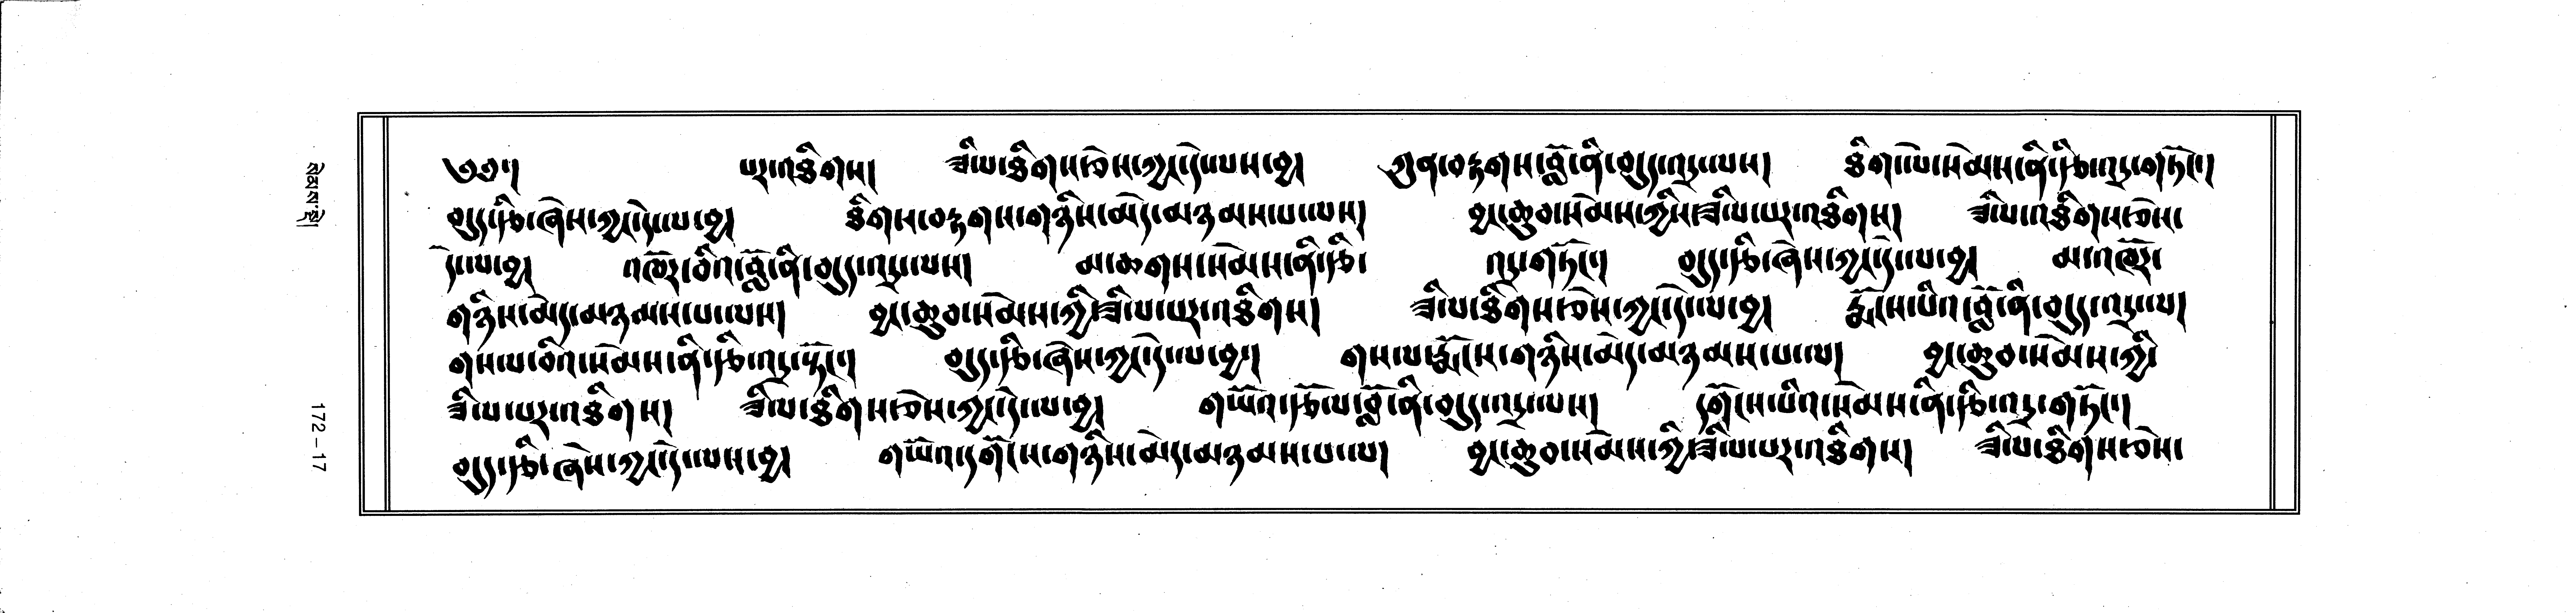པར་འཐིགས། ཟིལ་ཐིགས་ཅེས་ཀྱང་དེ་ལ་བྱ། ཀུན་བརྟགས་བློ་ནི་བདུད་འདྲ་ལ། ཐིག་ལེ་སེམས་ནི་རྩི་འདྲ་གཏོང་། 
བདུད་རྩི་ཞེས་ཀྱང་དེ་ལ་བྱ། ཐིགས་བརྟགས་གཉིས་མེད་མཉམས་པ་ལས། བྱང་ཆུབ་སེམས་ཀྱིས་ཟིལ་པར་འཐིགས། ཟིལ་འཐིགས་ཅེས་
དེ་ལ་བྱ། འཁོར་བའི་སེམས་ནི་བདུད་འདྲ་ལ། མ་ཆགས་སེམས་ནི་རྩི་འདྲ་གཏོང་། བདུད་རྩི་ཞེས་ཀྱང་དེ་ལ་བྱ། མ་འཁོར་
གཉིས་མེད་མཉམས་པ་ལས། བྱང་ཆུབ་སེམས་ཀྱི་ཟིལ་པར་འཐིགས། ཟིལ་ཐིགས་ཅེས་ཀྱང་དེ་ལ་བྱ། རྨོངས་པའི་བློ་ནི་བདུད་འདྲ་ལ། 
གསལ་བའི་སེམས་ནི་རྩི་འདྲ་སྟོང་། བདུད་རྩི་ཞེས་ཀྱང་དེ་ལ་བྱ། གསལ་རྨོངས་གཉིས་མེད་མཉམས་པ་ལས། བྱང་ཆུབ་སེམས་ཀྱི་
ཟིལ་པར་འཐིགས། ཟིལ་ཐིགས་ཅེས་ཀྱང་དེ་ལ་བྱ། གཡོའ་རྩོལ་བློ་ནི་བདུད་འདྲ་ལ། དགོངས་པའི་སེམས་ནི་རྩི་འདྲ་གཏོང་། 
བདུད་རྩི་ཞེས་ཀྱང་དེ་ལ་བྱ། གཡོའ་དགོངས་གཉིས་མེད་མཉམས་པ་ལས། བྱང་ཆུབ་སེམས་ཀྱི་ཟིལ་པར་འཐིགས། ཟིལ་ཐིགས་ཅེས་